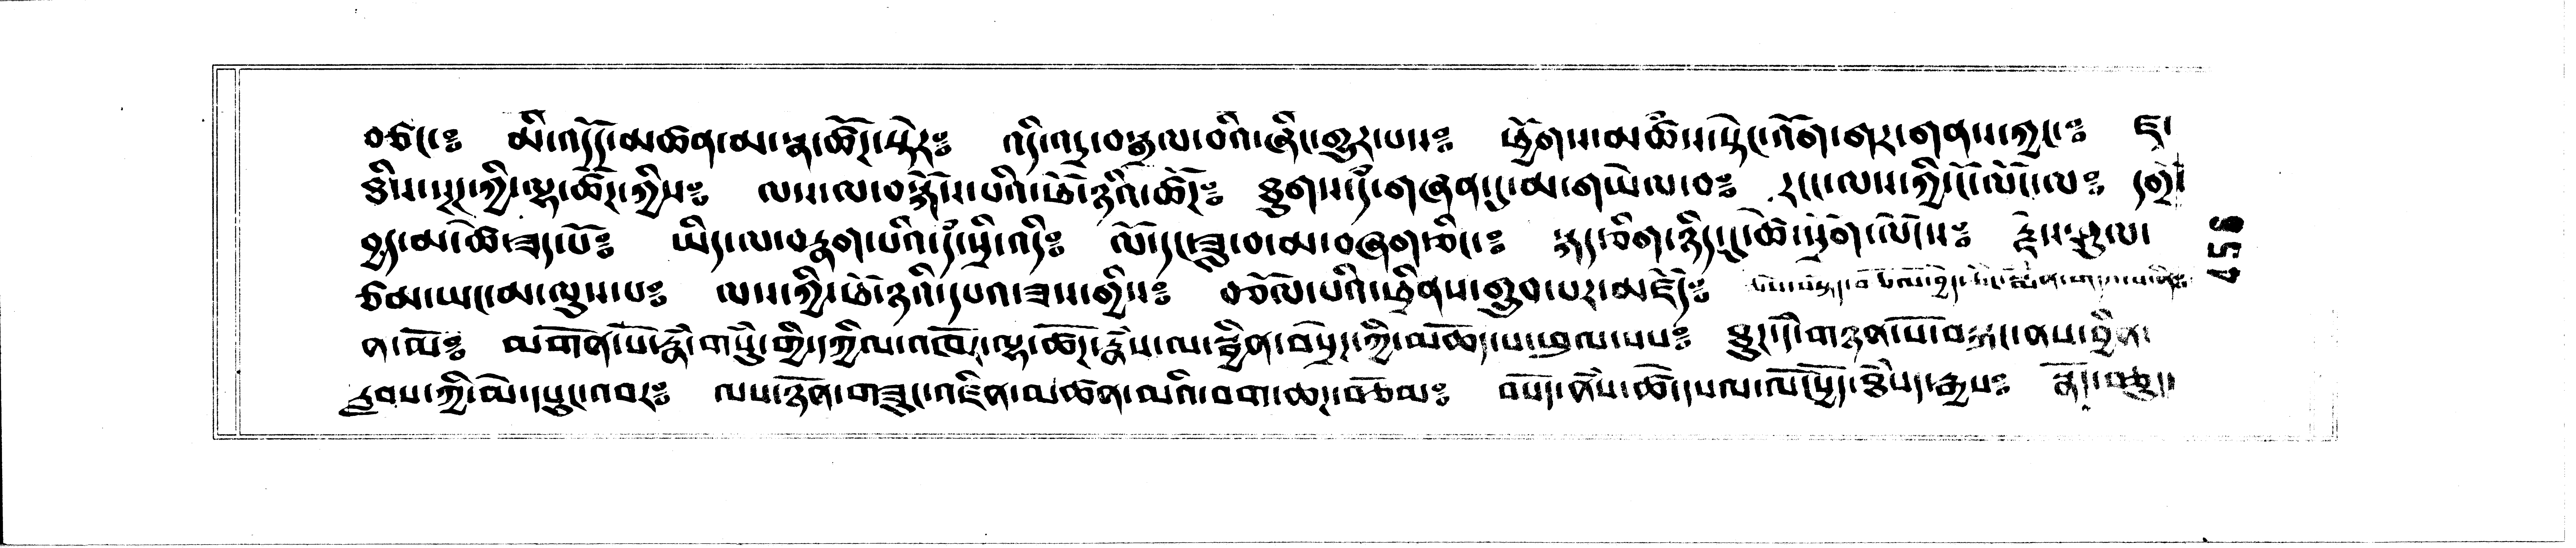བཙང་༔མི་འདོད་མཚན་མ་སྣ་ཚོགས་སྟེར༔འདི་འདྲ་བསྒྲལ་བའི་ཞིང་གྱུར་པས༔ཕྱོགས་མཚམས་སྟེང་འོག་གར་གནས་ཀྱང་༔ཛྭ་
ཐིས་སྔགས་ཀྱི་ལྷ་ཚོགས་ཀྱིས༔ལས་ལ་བསྐོས་པའི་ཕོ་ཉའི་ཚོགས༔ཐུགས་དམ་གཞན་དུ་མ་གཡེལ་བ༔རང་རང་ལས་ཀྱི་ངོ་ལོང་ལ༔དགྲ་བོ་
བྱད་མ་ཚེ་ཟད་པོ༔ཡིད་ལ་བརྣག་པའི་དམ་སྲི་འདི༔ལོ་དང་ཟླ་བ་མ་བཞག་ཅིང་༔སྐད་ཅིག་ཉིད་དུ་ཚེ་སྲོག་ལོངས༔རྗེས་ཤུལ་
ཙམ་ཡང་མ་ལུས་པ༔ལས་ཀྱི་ཕོ་ཉའི་དཔའ་ཟས་གྱིས༔བཅོལ་བའི་ཕྲིན་ལས་གྲུབ་པར་མཛོད༔ཅེས་བསྟོད་བཅོལ་བྱེད་ཅིང་སྨོན་ལམ་གདབ་པ་ནི༔
ན་མོ༔མགོན་པོ་རྣམ་གསུམ་གྱི་དཀྱིལ་འཁོར་ལྷ་ཚོགས་རྣམས་ལ་སྦྱིན་བསྲེགས་ཀྱི་མཆོད་པ་ཕུལ་པས༔ཐུགས་དམ་གཉན་པོ་བསྐང་ནས་བྱིན་
རླབས་ཀྱི་མེ་དཔུང་འབར༔ལས་ཉོན་གཟུང་འཛིན་མཚན་མའི་བག་ཆགས་བཅོམ༔བསོད་ནམས་ཚེ་དཔལ་ལོངས་སྤྱོད་ཐམས་ཅད་རྒྱས༔སྣོད་བཅུད་